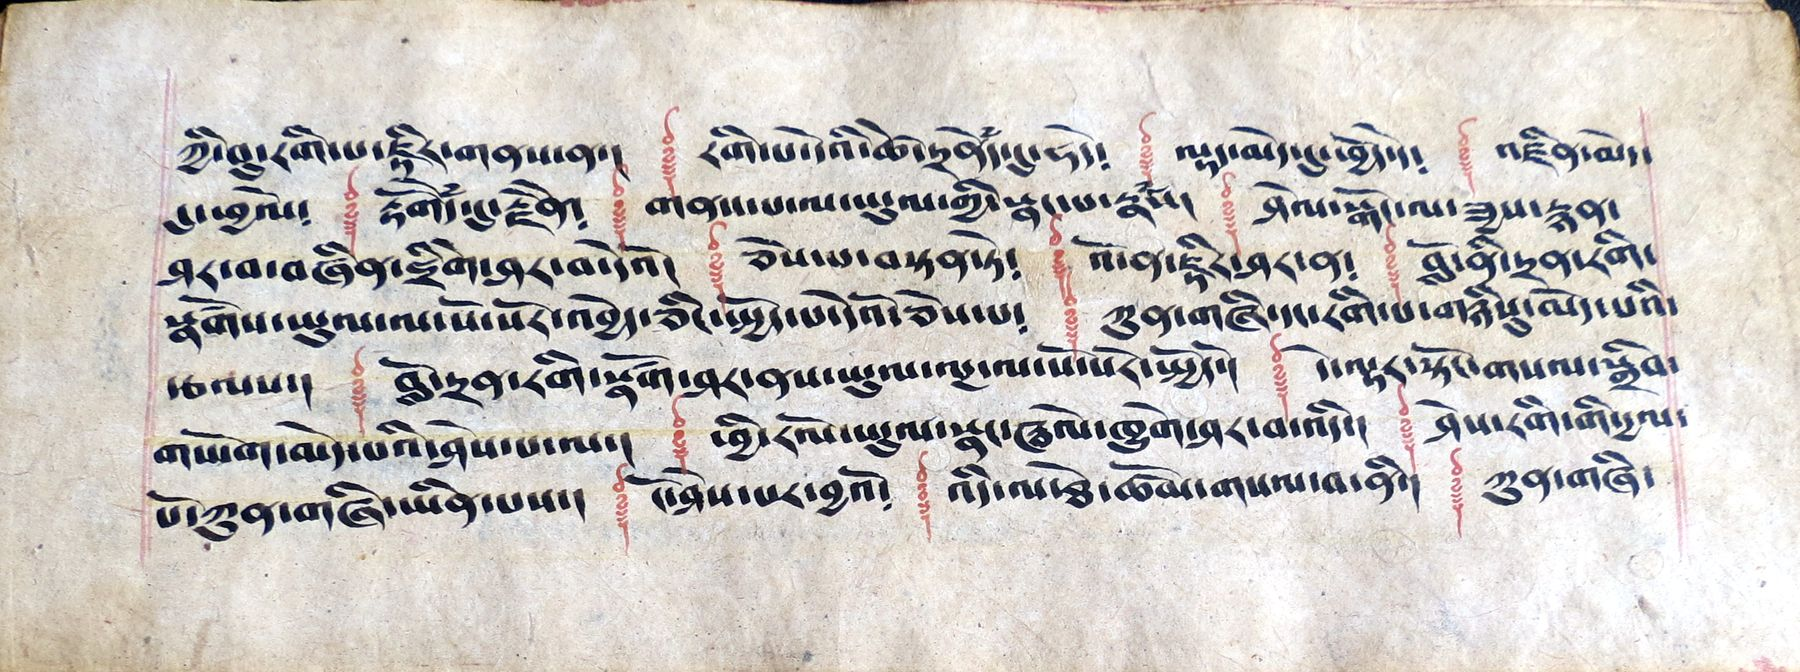པ་ཇི་ལྟར་གནས་ན། རིག་པ་ནི་དེའི་ཚེ་དྲན་མེད་དུ་ཧད་དེ། གཏད་མེད་དུ་ཕྱོད་དེ། འཛིན་མེད་
དུ་ཕྱལ་ལེ། རྟོག་མེད་དུ་རྗེན་ནེ་གནས་པ་ལ་ཡུལ་གྱི་སྣང་བ་རྣམས། ཤེལ་སྒོང་ལ་གཟུགས་བརྙན་
ཤར་བ་བཞིན། ཧྲིག་གེར་ཤར་བ་དེའོ། །ཞེས་པས་སྟོན་ཏེ། འོ་ན་ཇི་ལྟར་ཤར་ན། བློ་ནི་དྲན་རིག་
སྣ་ཚོགས་ཡུལ་ལ་སོ་སོར་འབྱེད་ཅིང་དཔྱོད་པ་དེའོ། །ཞེས་པས། ཀུན་གཞི་དང་རིག་པ་གཉིས་སུ་མེད་པའི་
རྩལ་ལས། བློ་དྲན་རིག་སྣ་ཚོགས་ཤར་ནས་ཡུལ་ལྔ་ལ་སོ་སོར་གཅོད་དེ། དེ་ལྟར་སྟོང་གསལ་སྒྲིབ་
གཡོག་མེད་པའི་ཤེས་པ་ལ། ཕྱི་རོལ་ཡུལ་སྣང་ཝལ་ལེ་ཁྱུག་གེར་ཤར་བ་འདི། ཤེས་རིག་གི་རྒྱལ་
པོ་ཀུན་གཞི་ཡིན་པས། ངོ་ཤེས་པར་བྱའོ། །འདི་ལ་ཐེ་ཚོམ་བསལ་བ་ནི། ཀུན་གཞི་